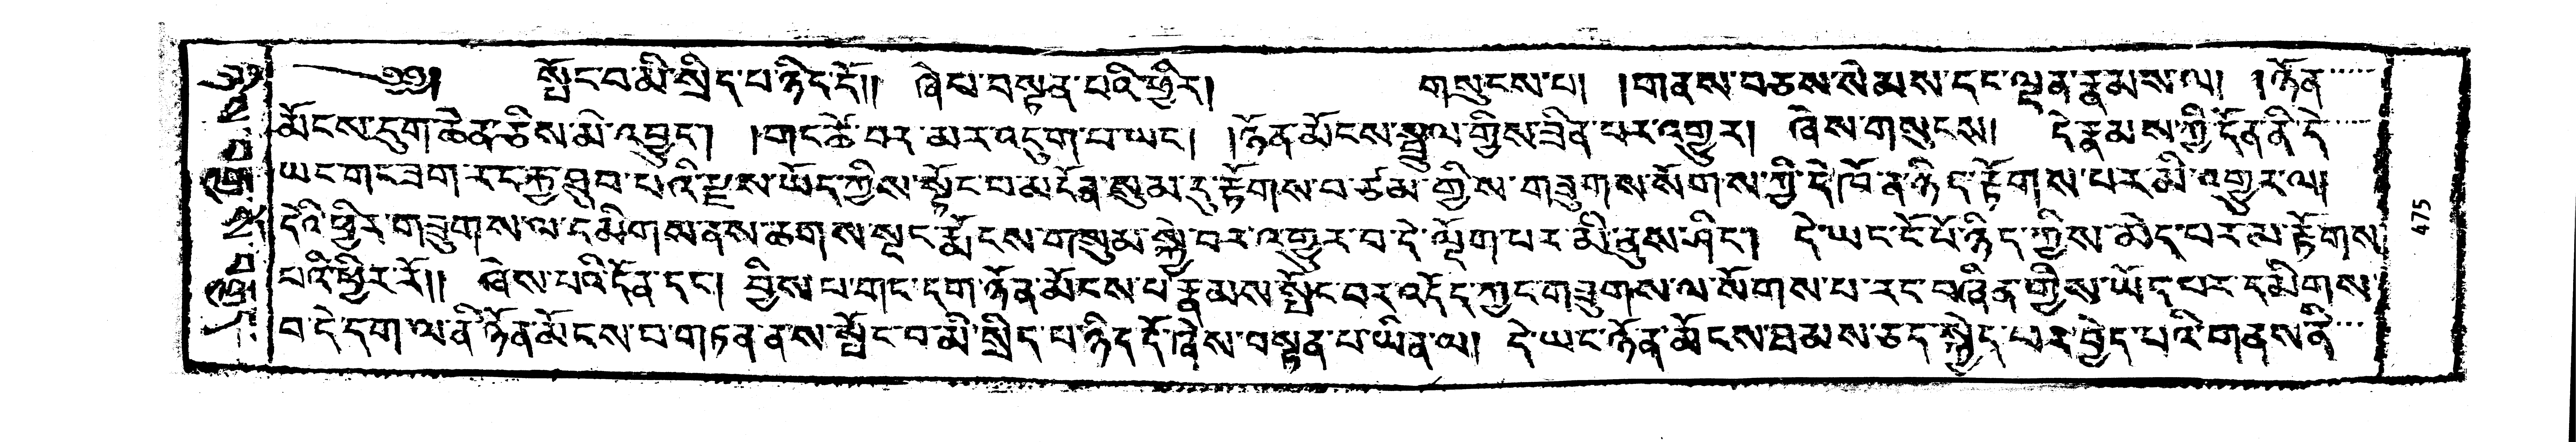༄༅། །སྤོང་བ་མི་སྲིད་པ་ཉིད་དོ།། ཞེས་བསྟན་པའི་ཕྱིར། གསུངས་པ། །གནས་བཅས་སེམས་དང་ལྡན་རྣམས་ལ། །ཉོན་
མོངས་དུག་ཆེན་ཅིས་མི་འབྱུང་། །གང་ཚེ་བར་མར་འདུག་པ་ཡང་། །ཉོན་མོངས་སྤྲུལ་གྱིས་ཟིན་པར་འགྱུར། ཞེས་གསུངས། དེ་རྣམས་ཀྱི་དོན་ནི་དེ་
ཡང་གང་ཟག་རང་རྐྱ་ཐུབ་པའི་རྫས་ཡོད་ཀྱིས་སྟོང་པ་མངོན་སུམ་དུ་རྟོགས་པ་ཙམ་གྱིས་གཟུགས་སོགས་ཀྱི་དེ་ཁོ་ན་ཉིད་རྟོགས་པར་མི་འགྱུར་ལ།
དེའི་ཕྱིར་གཟུགས་ལ་དམིགས་ནས་ཆགས་སྡང་རྨོངས་གསུམ་སྐྱེ་བར་འགྱུར་བ་དེ་ལྡོག་པར་མི་ནུས་ཤིང་། དེ་ཡང་ངོ་བོ་ཉིད་ཀྱིས་མེད་པར་མ་རྟོགས་
པའི་ཕྱིར་རོ།། ཞེས་པའི་དོན་དང་། བྱིས་པ་གང་དག་ཉོན་མོངས་པ་རྣམས་སྤོང་བར་འདོད་ཀྱང་གཟུགས་ལ་སོགས་པ་རང་བཞིན་གྱིས་ཡོད་པར་དམིགས་
པ་དེ་དག་ལ་ནི་ཉོན་མོངས་པ་གཏན་ནས་སྤོང་བ་མི་སྲིད་པ་ཉིད་དོ་ཞེས་བསྟན་པ་ཡིན་ལ། དེ་ཡང་ཉོན་མོངས་ཐམས་ཅད་སྐྱེད་པར་བྱེད་པའི་གནས་ནི་